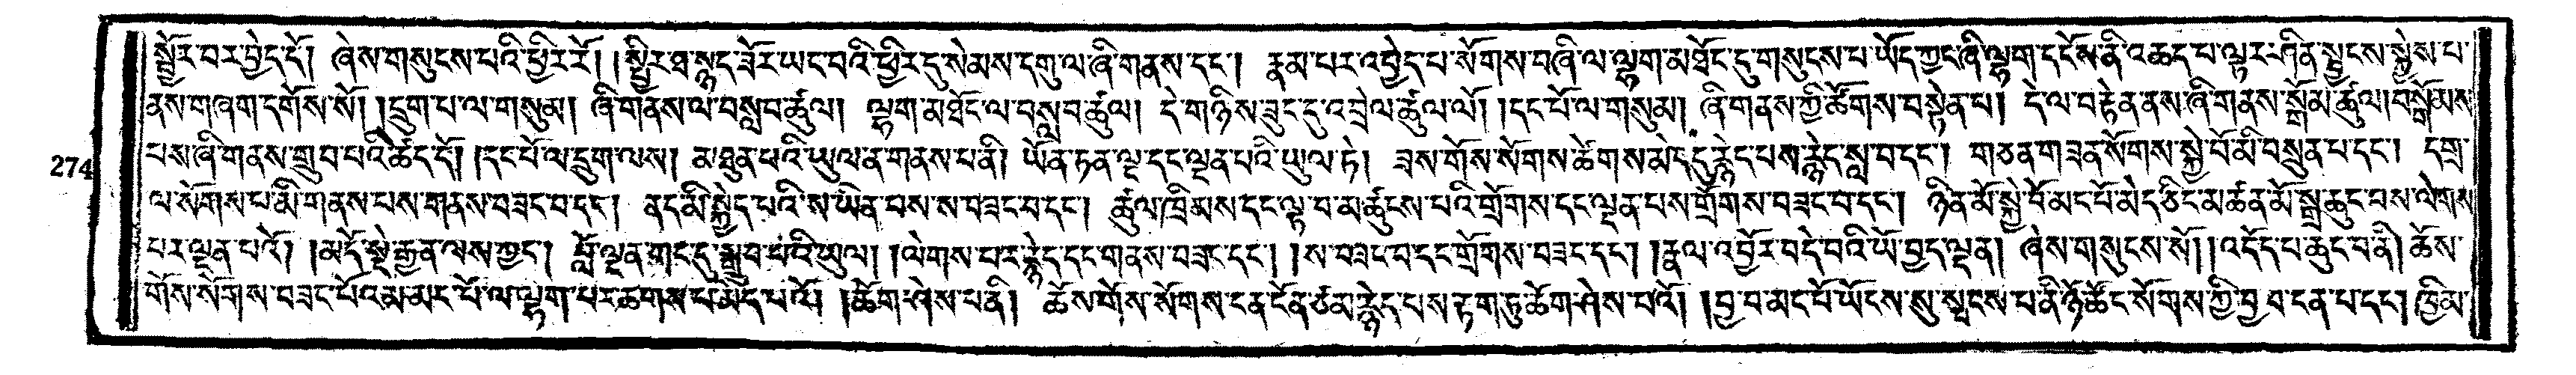སྦྱོར་བར་བྱེད་དོ། ཞེས་གསུངས་པའི་ཕྱིར་རོ། །སྤྱིར་ཐ་སྙད་ཟོར་ཡང་བའི་ཕྱིར་དུ་སེམས་དགུ་ལ་ཞི་གནས་དང་། རྣམ་པར་འབྱེད་པ་སོགས་བཞི་ལ་ལྷག་མཐོང་དུ་གསུངས་པ་ཡོད་ཀྱང་ཞི་ལྷག་དངོས་ནི་འཆད་པ་ལྟར་ཤིན་སྦྱངས་སྐྱེས་པ་
ནས་གཞག་དགོས་སོ། །དྲུག་པ་ལ་གསུམ། ཞི་གནས་ལ་བསླབ་ཚུལ། ལྷག་མཐོང་ལ་བསླབ་ཚུལ། དེ་གཉིས་ཟུང་དུ་འབྲེལ་ཚུལ་ལོ། །དང་པོ་ལ་གསུམ། ཞི་གནས་ཀྱི་ཚོགས་བསྟེན་པ། དེ་ལ་བརྟེན་ནས་ཞི་གནས་སྒོམ་ཚུལ། བསྒོམས་
པས་ཞི་གནས་གྲུབ་པའི་ཚད་དོ། །དང་པོ་ལ་དྲུག་ལས། མཐུན་པའི་ཡུལ་ན་གནས་པ་ནི། ཡོན་ཏན་ལྔ་དང་ལྡན་པའི་ཡུལ་ཏེ། ཟས་གོས་སོགས་ཚེགས་མེད་དུ་རྙེད་པས་རྙེད་སླ་བ་དང་། གཅན་གཟན་སོགས་སྐྱེ་བོ་མི་བསྲུན་པ་དང་། དགྲ་
ལ་སོགས་པ་མི་གནས་པས་གནས་བཟང་བ་དང་། ནད་མི་སྐྱེད་པའི་ས་ཡིན་པས་ས་བཟང་བ་དང་། ཚུལ་ཁྲིམས་དང་ལྟ་བ་མ་ཚུངས་པའི་གྲོགས་དང་ལྡན་པས་གྲོགས་བཟང་བ་དང་། ཉིན་མོ་སྐྱེ་བོ་མང་པོ་མེད་ཅིང་མཚན་མོ་སྒྲ་ཆུང་བས་ལེགས་
པར་ལྡན་པའོ། །མདོ་སྡེ་རྒྱན་ལས་ཀྱང་། བློ་ལྡན་གང་དུ་སྒྲུབ་པའི་ཡུལ། ལེགས་པར་རྙེད་དང་གནས་བཟང་དང་། །ས་བཟང་བ་དང་གྲོགས་བཟང་དང་། །རྣལ་འབྱོར་བདེ་བའི་ཡོ་བྱད་ལྡན། ཞེས་གསུངས་སོ། །འདོད་པ་ཆུད་པ་ནི། ཆོས་
གོས་སོགས་བཟང་པོའམ་མང་པོ་ལ་ལྷག་པར་ཆགས་པ་མེད་པའོ། །ཆོག་ཤེས་པ་ནི། ཆོས་གོས་སོགས་ངན་ངོན་ཙམ་རྙེད་པས་རྟག་ཏུ་ཆོག་ཤེས་པའོ། །བྱ་བ་མང་པོ་ཡོངས་སུ་སྤངས་པ་ནི་ཉོ་ཚོང་སོགས་ཀྱི་བྱ་བ་ངན་པ་དང་། ཁྱིམ་